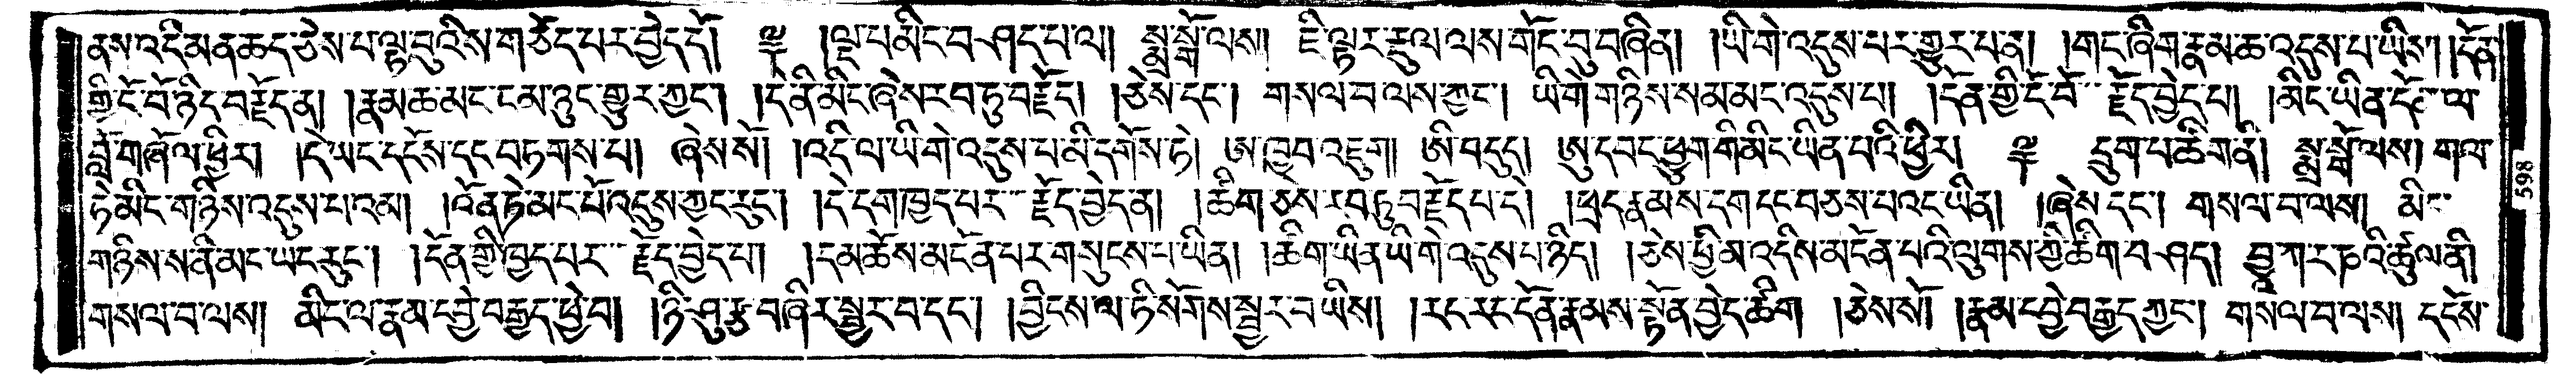ནས་འདི་མན་ཆད་ཅེས་པ་ལྟ་བུའི་ས་གཅོད་པར་བྱེད་དོ། ༈ །ལྔ་པ་མིང་བཤད་པ་ལ། སྨྲ་སྒོ་ལས། ཇི་ལྟར་རྡུལ་ལས་གོང་བུ་བཞིན། །ཡི་གེ་འདུས་པར་གྱུར་པ་ན། །གང་ཞིག་རྣམ་ཆ་འདུས་པ་ཡིས། །དོན་
གྱི་ངོ་བོ་ཉིད་བརྗོད་ན། །རྣམ་ཆ་མང་ངམ་ཉུང་གྱུར་ཀྱང་། །དེ་ནི་མིང་ཞེས་རབ་ཏུ་བརྗོད། །ཅེས་དང་། གསལ་བ་ལས་ཀྱང་། ཡི་གེ་གཉིས་སམ་མང་འདུས་པ། །དོན་གྱི་ངོ་བོ་རྗོད་བྱེད་པ། །མིང་ཡིན་དོན?་ལ་
བློ་གཞོལ་ཕྱིར། །དེ་ཡང་དངོས་དང་བཏགས་པ། ཞེས་སོ། །འདི་ལ་ཡི་གེ་འདུས་པ་མི་དགོས་ཏེ། ཨ་ཁྱབ་འཇུག །ཨི་བདུད། ཨུ་དབང་ཕྱུག་གི་མིང་ཡིན་པའི་ཕྱིར། ༈ དྲུག་པ་ཚིག་ནི། སྨྲ་སྒོ་ལས། གལ་
ཏེ་མིང་གཉིས་འདུས་པའམ། །ཨོན་ཏེ་མང་པོ་འདུས་ཀྱང་རུང་། །དེ་དག་ཁྱད་པར་རྗོད་བྱེད་ན། །ཚིག་ཅེས་རབ་ཏུ་བརྗོད་པ་དེ། །ཕྲད་རྣམས་དག་དང་བཅས་པའང་ཡིན། །ཞེས་དང་། གསལ་བ་ལས། མིང་
གཉིས་ས་ནི་མང་རང་རུང་། །དོན་གྱི་ཁྱད་པར་རྗོད་བྱེད་པ། །དམ་ཆོས་མངོན་པར་གསུངས་པ་ཡིན། །ཚིག་ཡིན་ཡི་གེ་འདུས་པ་ཉིད། །ཅེས་ཕྱི་མ་འདིས་མངོན་པའི་ལུགས་ཀྱི་ཚིག་བཤད། བྱཱ་ཀ་ར་ཎའི་ཚུལ་ནི།
གསལ་བ་ལས། མིང་ལ་རྣམ་དབྱེ་བརྒྱད་ཕྱེ་བ། །ཉི་ཤུ་རྩ་བཞིར་སྦྱར་བ་དང་། །དབྱིངས་ལ་ཏི་སོགས་སྦྱར་བ་ཡིས། །རང་རང་དོན་རྣམས་སྟོན་བྱེད་ཚིག །ཅེས་སོ། །རྣམ་དབྱེ་བརྒྱད་ཀྱང་། གསལ་བ་ལས། དངོས་